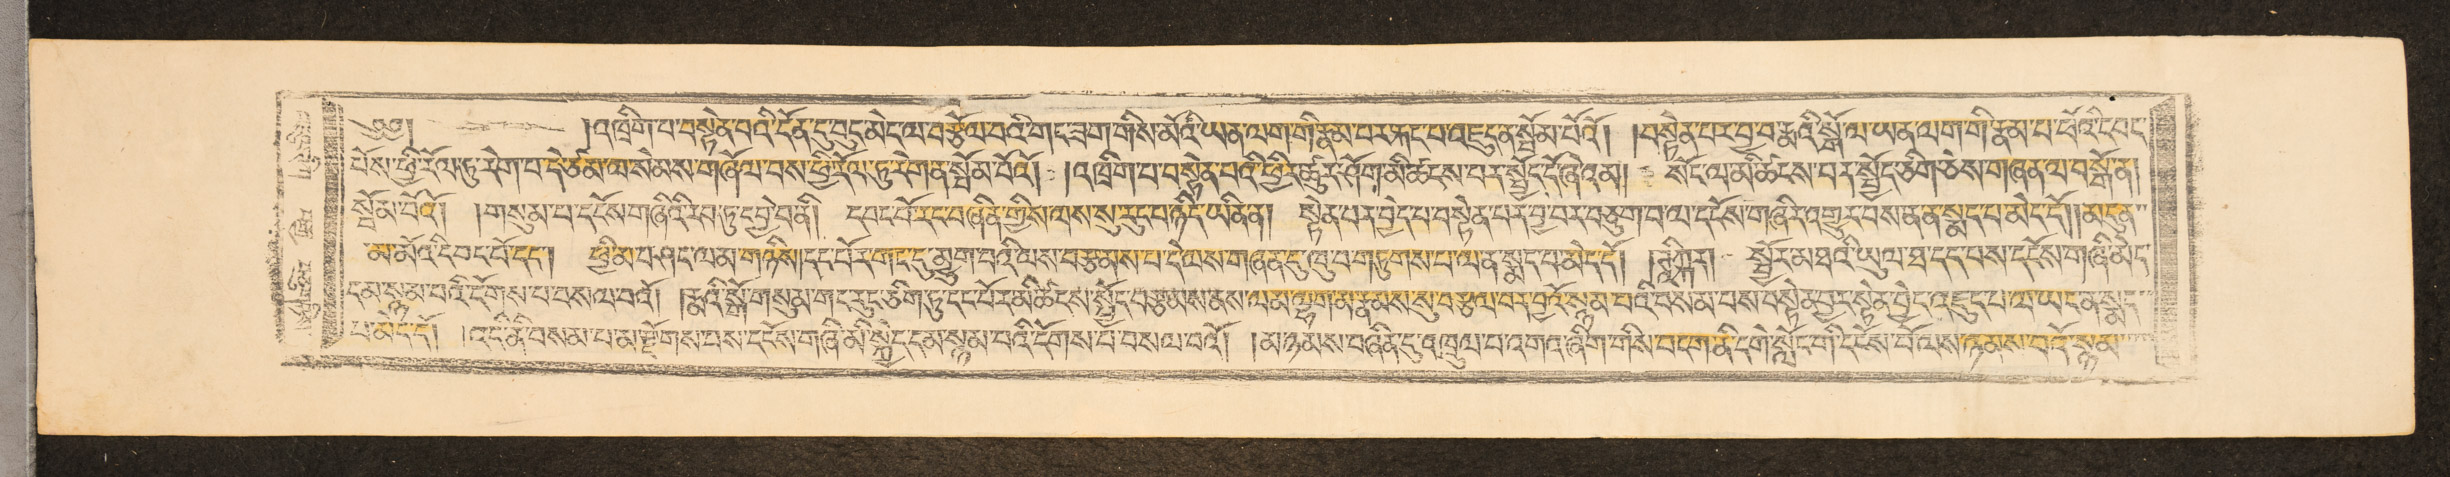༄༅། །འཁྲིག་པ་བསྟེན་པའི་དོན་དུ་བུད་མེད་ལ་བརྩོལ་པའི་གང་ཟག་གིས་མོའི་ཡན་ལག་གི་རྣམ་པར་རྐང་བ་འཇུད་ན་སྦོམ་པོའོ། །བསྟེན་པར་བྱ་བ་རྨའི་སྒོ་ལ་ཡན་ལག་གི་རྣམ་པ་ཕོའི་དབང་
པོས་ཕྱི་རོལ་ཏུ་རེག་པ་དེ་ཙམ་ལ་སེམས་གཞོལ་བས་ཕྱི་རོལ་ཏུ་རེག་ན་སྦོམ་པོའོ། །འཁྲིག་པ་བསྟེན་པའི་ཕྱིར་ཚུར་ཤོག་མི་ཚངས་པར་སྤྱོད་དོ་ཞེ་འམ། སོང་ལ་མ་ཚིངས་པར་སྤྱོད་ཅིག་ཅེས་གཞན་ལ་བསྒོ་ན།
སྦོམ་བོའོ། །གསུམ་པ་དངོས་གཞིའི་རབ་ཏུ་དབྱེ་བ་ནི། དབང་པོ་རང་བཞིན་གྱིས་ལས་སུ་རུང་པ་ཉིད་ཡིན་ན། སྟེན་པར་བྱེད་པ་བསྟེན་པར་བྱ་བར་བཅུག་པ་ལ་དངོས་གཞིར་འགྱུར་བས་ན་ན་སྨད་པ་མེད་ངོ། །མདུན་
མ་མོའི་དབང་པོ་དང་། ཕྱི་མ་བཤད་ལམ་གཉིས། དང་པོར་གང་དུ་མྱུག་པའི་ལས་བརྩམས་པ་དེ་ལས་གཞན་དུ་ཁུ་བ་གཏུགས་པ་ལ་ན་སྨད་པ་མེད་དོ། །ཊཱིཀྐར། སྦྱོར་མཐའི་ཡུལ་ཐ་དང་པས་དངོས་གཞི་མེད་
དམ་སྙམ་པའི་དོགས་པ་བསལ་བའོ། །རྨའི་སྒོ་གསུམ་གང་རུང་ཅིག་ཏུ་དང་པོར་མི་ཚངས་སྤྱོད་བརྩམས་ནས་ལམ་ལྷག་མ་རྣམས་སུ་བརྩལ་བར་བྱའོ་སྙམ་པའི་བསམ་པས་བསྟེར་བྱར་སྟེན་བྱེད་འཇུག་བ་ལ་ཡང་ན་སྨད་
པ་མེད་དོ། །འདི་ནི་བསམ་པ་མ་རྫོགས་པས་དངོས་གཞི་མི་སྐྱེད་དམ་སྙམ་པའི་དོགས་པ་བསལ་བའོ། །མ་ཉམས་བཞིན་དུ་འཁྲུལ་པ་འགའ་ཞིག་གིས་བདག་ནི་དགེ་སློང་གི་དངོས་པོ་ལས་ཉམས་བའོ་སྙམ་